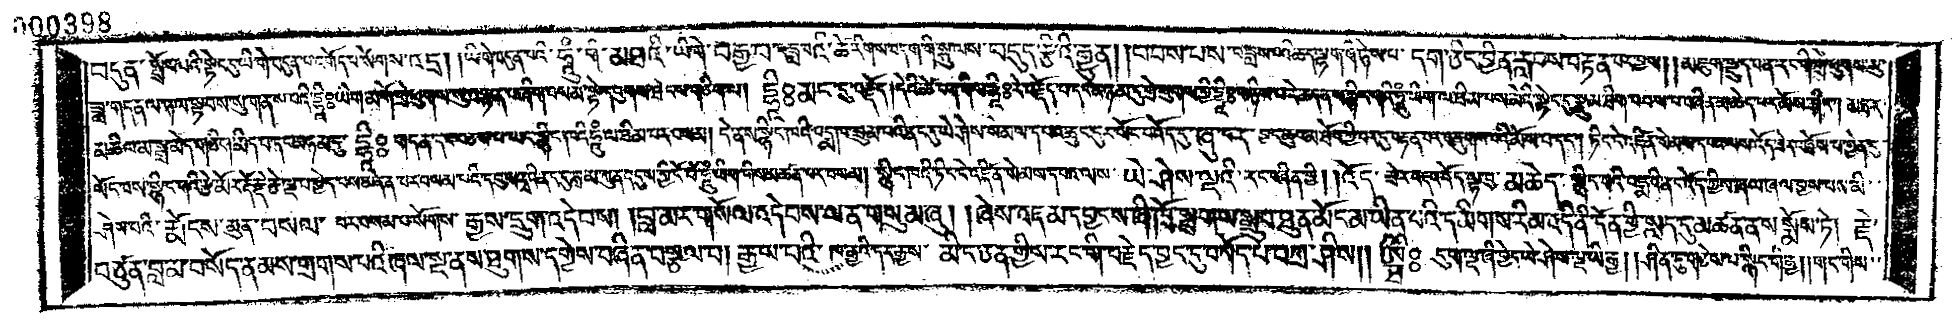བདུན་སྤྲོས་པའི་སྟེང་དུ་ཡི་གེ་བདུན་པ་འགོད་པ་སོགས་འདྲ། ། ཡི་གེ་བདུན་པའི་ཧཱུཾ་གི་མཐའི་ཡི་གེ་བརྒྱ་བ་བཟླ་བའི་ཚེ་རིགས་བདག་གི་སྐུ་ལས་བདུད་རྩིའི་རྒྱུན། །བབས་པས་བཟླས་པའི་ཆད་ལྷག་གི་ཏེས་པ་དག་ཅིང་བྱིན་རླབས་བརྟན་པར་བྱས། །མཇུག་སྡུད་པ་ན་རང་གི་གྲེ་པུགས་?་སུ་
ཟླ་གདན་ལ་ཉལ་སྟབས་སུ་གནས་པའི་དྷཱིཿ ཡིག་མགོ་གྲེ་ཕུགས་སུ་བསྟན་པ་ཞིག་བསམ་སྟེ་དབུགས་ཐེངས་གཅིག་ལ། དྷཱིཿ མང་དུ་བརྗོད། དེའི་ཚེ་ངག་གིས་དྷཱིཿ རེ་བརྗོད་པ་དང་མཉམ་དུ་གྲེ་ཕུགས་ཀྱི་དྷཱིཿ གཉིས་པ་རེ་ཆད་ནས་སྙིང་གའི་ཧཱུཾ་ཡིག་ལ་ཐིམ་པས་མེའི་སྟེང་དུ་སྣུམ་ཐིག་བབས་པ་བཞིན་མཆེད་པར་མོས་ཤིང་། མཐར་
མཆིལ་མ་སྒྲ་མེད་གཅིག་མིད་པ་དང་མཉམ་དུ་དྷཱིཿ གདན་དང་བཅས་པ་ཡང་སྙིང་ཁའི་ཧཱུཾ་ལ་ཐིམ་པར་བསམ། དེ་ནས་སྙིང་ཁའི་པདམ་ཁ་ཟུམ་པའི་ནང་དུ་ཡེ་ཤེས་སེམས་དཔའ་ཆུང་ངུར་སོང་བ་འོད་དུ་ཞུ་བར་བྱང་ཆུབ་མ་ཐོབ་ཀྱི་བར་དུ་བརྟན་པར་བཞུགས་པའི་མོས་པ་དང་། ཏིང་ངེ་འཛིན་སེམས་དཔའ་ལས་འོད་ཟེར་འཕྲོས་པ་གྱེན་དུ་
སོང་བས་སྙིང་གའི་རྩེ་མོར་རྡོ་རྗེ་རྩེ་ལྔ་པ་ཕྱེད་པས་མིན་ན་པར་བསམ་པའི་དབུས་རྭའི་ནང་དུ་བླ་མ་ཀུན་འདུས་ཀྱི་ངོ་བོ་ཧཱུཾ་ཡིག་གིས་མཚན་པར་བསམ། སྙིང་ཁའི་ཏིང་ངེ་འཛིན་སེམས་དཔའ་ལས་ཡེ་ཤེས་ལྔའི་རང་བཞིན་གྱི། །འོད་ཟེར་འཇའ་འོད་ལྟ་བུ་མཆེད་སྙིང་གའི་པདམའི་ནང་འོད་ཀྱིས་ཞལ་ཞལ་བྱས་པས་མི་
ཤེས་པའི་རྨོངས་མུན་བསལ་བར་བསམ་པ་སོགས་རྒྱས་དྲུག་འདེབས། །བླ་མར་གསོལ་འདེབས་ལན་གསུམ་ཞུ། །ཞེས་འཇམ་དབྱངས་ཞི་ཁྲོ་སྦྲགས་སྒྲུབ་ཐུན་མོང་མ་ཡིན་པའི་དམིགས་རིམ་འདི་ནི་དོན་གྱི་སླད་དུ་མཚན་ནས་སྨོས་ཏེ། རྗེ་
བཙུན་བླ་མ་བསོད་ནམས་གྲགས་པའི་ཞལ་སྔ་ནས་ཐུགས་དགྱེས་བཞིན་བསྩལ་བ། རྒྱས་པའི་ཁ་རྒྱའི་དར་རྒྱས་མིང་ཅན་གྱིས་རང་གི་བརྗེད་བྱང་དུ་བཀོད་པ་བཀྲ་ཤིས། །ཨྀཐིཿ དུག་ལྔ་ཞི་བྱེད་ཡེ་ཤེས་ལྔ་ཡི་རྒྱ། །ཤིན་དུ་གཅེས་པ་སྙིང་གི་རྒྱ། །གང་གིས་